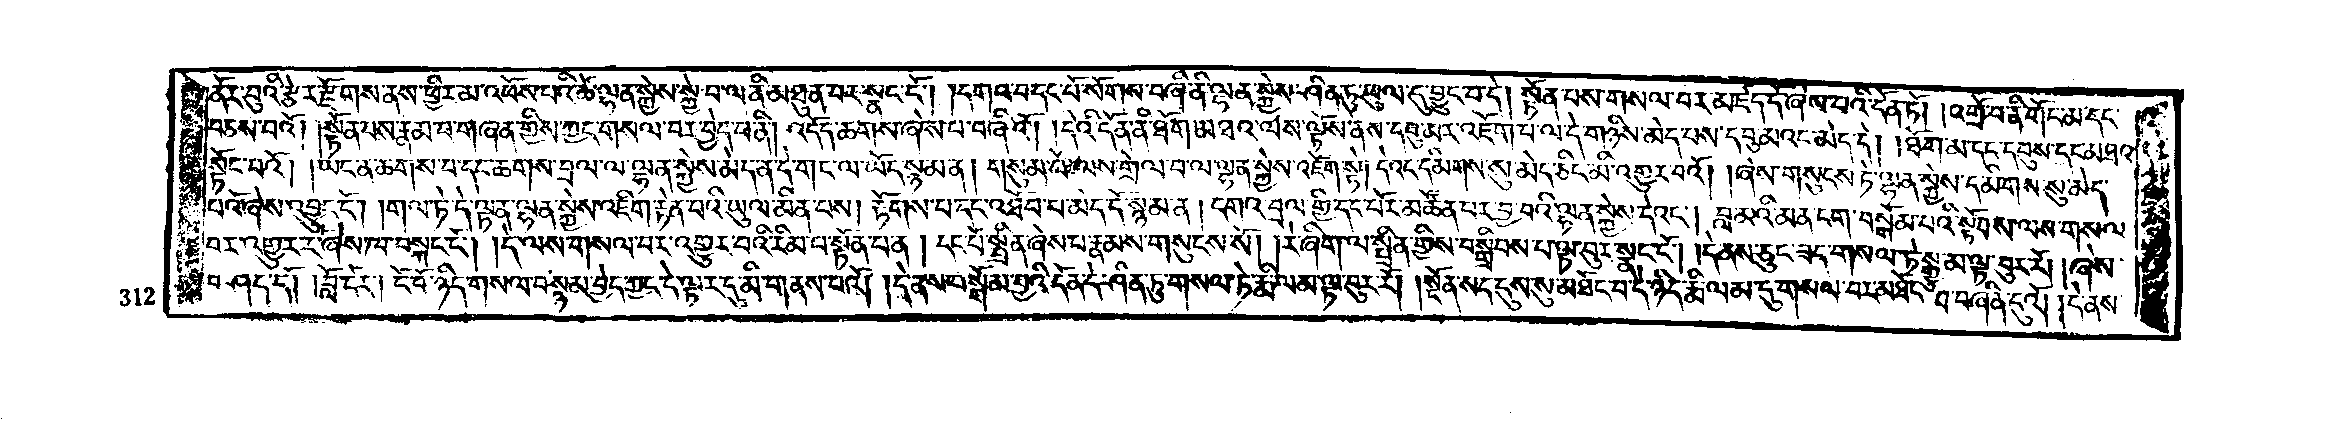ནོར་བུའི་རྩེར་རྫོགས་ནས་ཕྱིར་མ་འཕོས་པའི་ཚེ་ལྷན་སྐྱེས་སྐྱེ་བ་ལ་ནི་མཐུན་པར་སྣང་ངོ། །དགའ་བ་དང་པོ་སོགས་བཞི་ནི་ལྷན་སྐྱེས་ཤིན་ཏུ་ཡུལ་དུ་བྱུང་བ་དེ། སྟོན་པས་གསལ་བར་མཛད་དོ་ཞེས་པའི་དོན་ཏོ། །འགྲོ་བ་ནི་གོང་མ་དང་
བཅས་པའོ། །སྟོན་པས་རྣམ་པ་གཞན་གྱིས་ཀྱང་གསལ་བར་བྱེད་པ་ནི། འདོད་ཆགས་ཞེས་པ་བཞིའོ། །དེའི་དོན་ནི་ཐོག་མཐའ་ལས་ལྟོས་ནས་དབུ་མར་འཇོག་པ་ལ་དེ་གཉིས་མེད་པས་དབུ་མའང་མེད་དོ། །ཐོག་མ་དང་དབུས་དང་མཐའ་
སྟོང་པའོ། །ཡང་ན་ཆགས་པ་དང་ཆགས་བྲལ་ལ་ལྷན་སྐྱེས་མེད་ན་དེ་གང་ལ་ཡོད་སྙམ་ན། གསུམ་པོ་ལས་གྲེལ་བ་ལ་ལྷན་སྐྱེས་འཇོག་སྟེ། དེའང་དམིགས་སུ་མེད་ཅིང་མི་འགྱུར་བའོ། །ཞེས་གསུངས་ཏེ་ལྷན་སྐྱེས་དམིགས་སུ་མེད་
པའོ་ཞེས་འབྱུང་ངོ། །གལ་ཏེ་དེ་ལྟ་ན་ལྷན་སྐྱེས་འཇིག་རྟེན་པའི་ཡུལ་མིན་པས། རྟོགས་པ་དང་འཐོབ་པ་མེད་དོ་སྙམ་ན། དགའ་བྲལ་གྱི་དང་པོར་མཚོན་པར་བྱ་བའི་ལྷན་སྐྱེས་དེའང་། བླ་མའི་མན་ངག་བསྒོམ་པའི་སྟོབས་ལས་གསལ་
བར་འགྱུར་རོ་ཞེས་ཁ་བསྐང་ངོ། །དེ་ལས་གསལ་བར་འགྱུར་བའི་རིམ་པ་སྟོན་པ་ན། དང་པོ་སྤྲིན་ཞེས་པ་རྣམས་གསུངས་སོ། །རེ་ཞིག་ལ་སྤྲིན་གྱིས་བསྒྲིབས་པ་ལྟ་བུར་སྣང་ངོ། །དེ་ནས་ཅུང་ཟད་གསལ་ཏེ་སྒྱུ་མ་ལྟ་བུར་རོ། །ཞེས་
བཤད་དོ། །བློ་ངོར། ངོ་བོ་ཉིད་གསལ་བ་སྙམ་བྱེད་ཀྱང་དེ་ལྟར་དུ་མི་གནས་པའོ། །དེ་ནས་སྒོམ་བྱའི་དོན་དེ་ཤིན་ཏུ་གསལ་ཏེ་རྨི་ལམ་ལྟ་བུར་རོ། །སྔོན་སད་དུས་སུ་མཐོང་བ་དེ་ཉིད་རྨི་ལམ་དུ་གསལ་བར་མཐོང་བ་བཞིན་དུའོ། །དེ་ནས་